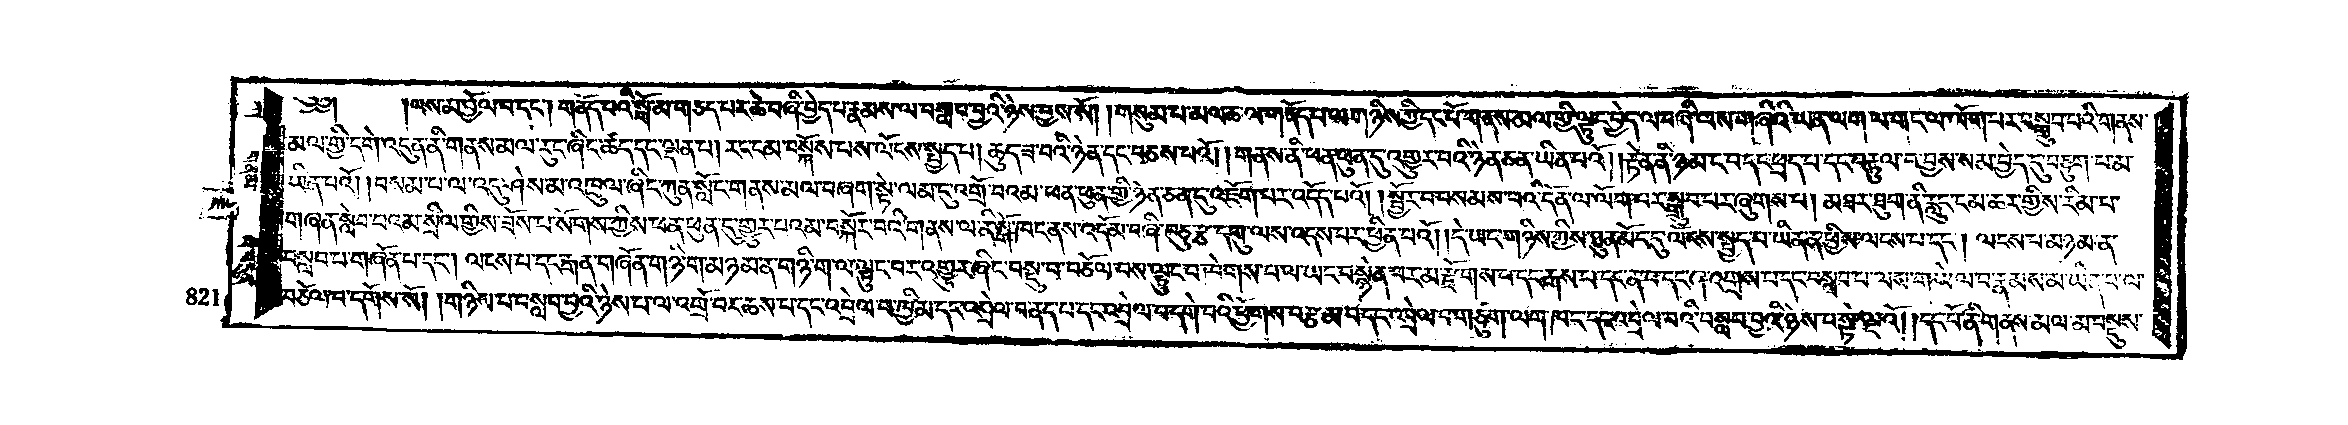༄༅། །ལས་མ་བྱོལ་བ་དང་། གནོད་པའི་སྒོ་མ་གཅད་པར་ཆེ་བཞི་བྱེད་པ་རྣམས་ལ་བསླབ་བྱའི་ཉེས་བྱས་སོ། །གསུམ་པ་མལ་ཆ་ལ་གནོད་པ་ལ་གཉིས་ཀྱི་དང་པོ་གནས་མལ་གྱི་ལྟུང་བྱེད་ལ་བཞི་ལས་གཞིའི་ཡན་ལག་ལ་གང་ལ་ལོག་པར་བསྒྲུབ་པའི་གནས་
མལ་གྱི་དགེ་འདུན་ནི་གནས་མལ་རུང་ཞིང་ཚད་དང་ལྡན་པ། རང་ངམ་བསྐོས་པས་ལོངས་སྤྱད་པ། ཆུད་ཟ་བའི་ཉེན་དང་བཅས་པའོ། །གནས་ནི་ཕན་ཕུན་དུ་འགྱུར་བའི་ཉེན་ཅན་ཡིན་པའོ། །རྟེན་ནི་ཉམ་ང་བ་དང་ཕྲད་པ་དང་བརྟུལ་བ་བྱས་སམ་བྱེད་དུ་བཅུག་པ་མ་
ཡིན་པའོ། །བསམ་པ་ལ་འདུ་ཤེས་མ་འཁྲུལ་ཞིང་ཀུན་སློང་གནས་མལ་བཞག་སྟེ་ལམ་དུ་འགྲོ་བའམ་ཕན་ཕུན་གྱི་ཉེན་ཅན་དུ་འཇོག་པར་འདོད་པའོ། །སྦྱོར་བ་བསམས་པའི་དོན་ལ་ལོག་པར་སྒྲུབ་པར་ཞུགས་པ། མཐར་ཐུག་ནི་རླུང་ངམ་ཆར་གྱིས་རིམ་པ་
གཞན་སླེབ་པའམ་སྲིལ་གྱིས་ཟོས་པ་སོགས་ཀྱིས་ཕན་ཕུན་དུ་གྱུར་པའམ་བསྐོར་བའི་གནས་ལ་ནི་སྒོ་ཁང་ནས་འདོམ་བཞི་བཅུ་རྩ་དགུ་ལས་འདས་པར་ཕྱིན་པའོ། །དེ་ཡང་གཉིས་ཀྱིས་ཐུན་མོང་དུ་ལོངས་སྤྱད་པ་ཡིན་ན་ཕྱིས་ལངས་པ་དང་། ལངས་པ་མཉམ་ན་
བསླབ་པ་གཞོན་པ་དང་། ལངས་པ་དང་རྒན་གཞོན་གཉི་ག་མཉམ་ན་གཉི་ག་ལ་ལྟུང་བར་འགྱུར་ཞིང་བསྡུ་བ་བཅོལ་བས་ལྟུང་བ་ཁེགས་པ་ལ་ཡང་བསྙེན་པར་མ་རྫོགས་པ་དང་རྒས་པ་དང་ན་བ་དང་ཞ་འགྲས་པ་དང་བསླབ་པ་ལས་གཡེལ་བ་རྣམས་མ་ཡིན་པ་ལ་
བཅོལ་བ་དགོས་སོ། །གཉིས་པ་བསླབ་བྱའི་ཉེས་པ་ལ་འགྲོ་བར་ཆས་པ་དང་འབྲེལ་བ་ཁྱིམ་དང་འབྲེལ་བ་ནད་པ་དང་འབྲེལ་བ་དགེ་བའི་ཕྱོགས་བརྩམ་པ་དང་འབྲེལ་བ་གཙུགས་ལག་ཁང་དང་འབྲེལ་བའི་བསླབ་བྱའི་ཉེས་པ་སྟེ་ལྔའོ། །དང་པོ་ནི་གནས་མལ་མ་བསྡུས་